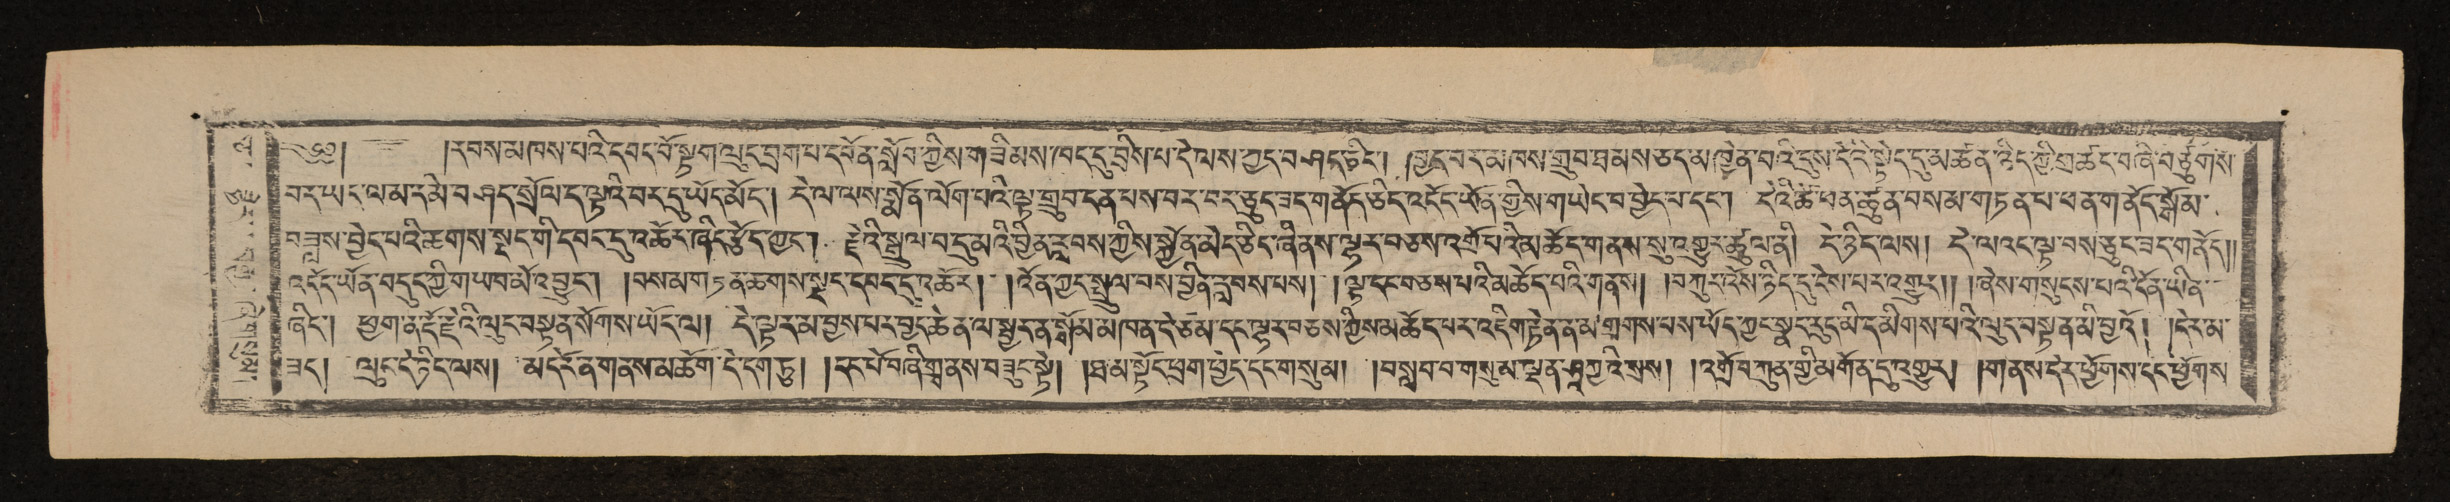༄༅། །རབས་མཁས་པའི་དབང་པོ་སྟག་ལུང་བྲག་པ་དབོན་སློབ་ཀྱིས་གཟིམས་ཁང་དུ་བྲིས་པ་དེ་ལས་ཀྱང་བཤད་ཅིང་། ཁྱད་པར་མཁས་གྲུབ་ཐམས་ཅད་མཁྱེན་པའི་དུས་དེའི་སྟེང་དུ་མཚན་ཉིད་ཀྱི་གྲྭ་ཚང་བཞི་བཙུགས་
བར་ཡང་ལམ་རིམ་བཤད་སྲོལ་ད་ལྟའི་བར་དུ་ཡོད་མོད། དེ་ལ་ལས་སྨོན་ལོག་པའི་ལྟ་གྲུབ་ངན་པས་བར་བར་ཅུང་ཟད་གནོད་ཅིང་འདོད་ཡོན་གྱིས་གཡེང་བ་བྱེད་པ་དང་། དེའི་ཚེ་ཕན་ཚུན་བསམ་གཏན་པ་ཕན་གནོད་སྒོམ་
བཟླས་བྱེད་པའི་ཆགས་སྡང་གི་དབང་དུ་འཆོར་ཞིང་རྩོད་ཀྱང་། རྗེའི་སྤྲུལ་པ་དུ་མའི་བྱིན་རླབས་ཀྱིས་སྐྱོན་མེད་ཅིང་ཞི་ནས་ལྷར་བཅས་འགྲོ་བའི་མཆོད་གནས་སུ་འགྱུར་ཚུལ་ནི། དེ་ཉིད་ལས། དེ་ལའང་ལྟ་བས་ཅུང་ཟད་གནོད།
འདོད་ཡོན་བདུད་ཀྱི་གཡབ་མོ་འབྱུང་། །བསམ་གཏན་ཆགས་སྡང་དབང་དུ་འཆོར། །འོན་ཀྱང་སྤྲུལ་པས་བྱིན་རླབས་པས། །ལྷ་དང་བཅས་པའི་མཆོད་པའི་གནས། །བཀུར་འོས་ཉིད་དུ་ངེས་པར་འགྱུར། །ཞེས་གསུངས་པའི་དོན་ཡིན་
ཞིང༑ ཕྱག་ན་རྡོ་རྗེའི་ལུང་བསྟན་སོགས་ཡོད་ལ། དེ་ལྟར་མ་བྱས་པར་བྱང་ཆན་ལ་སྦྱར་ན་སྒོམ་མཁན་དེ་ཙམ་དང་ལྷར་བཅས་ཀྱིས་མཆོད་པར་འཇིག་རྟེན་ནམ་གྲགས་པས་ཡོད་ཀྱང་སྣང་རུང་མི་དམིགས་པའི་ལུང་བསྟན་མི་བྱའོ། །དེར་མ་
ཟད༑ ལུང་དེ་ཉིད་ལས། མདོར་ན་གནས་མཆོག་དེ་དག་ཏུ། །དང་པོ་བཞི་གྲྭ་ནས་བཟུང་སྟེ། །ཐ་མ་སྟོང་ཕྲག་ཕྱེད་དང་གསུམ། །བསླབ་པ་གསུམ་ལྡན་ཤཱཀྱའི་སྲས། །འགྲོ་བ་ཀུན་གྱི་མགོན་དུ་འགྱུར། །གནས་དེར་ཕྱོགས་དང་ཕྱོགས་